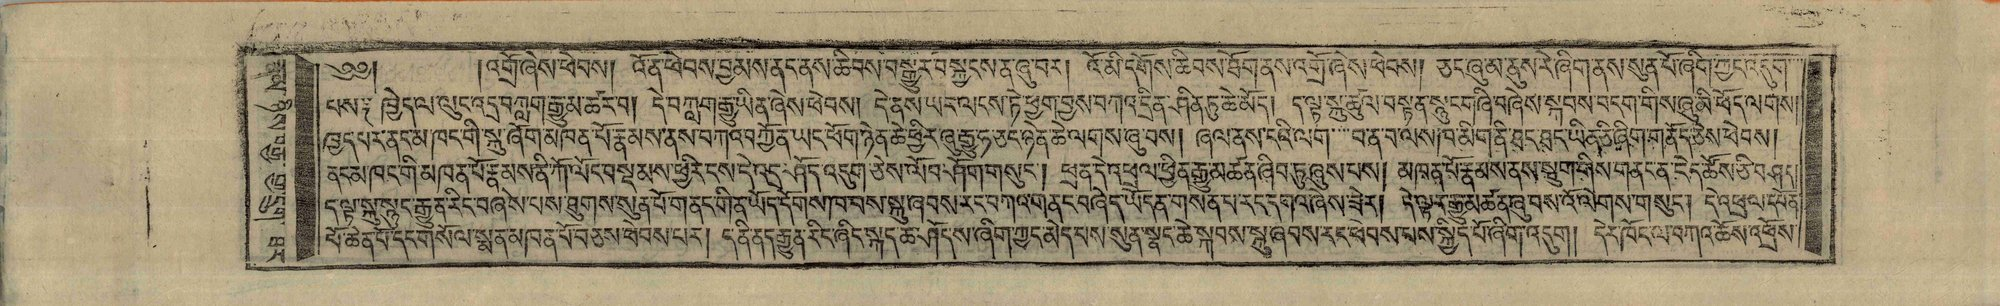༄༅། །འགྲོ་ཞེས་ཕེབས། འོ་ན་ཕེབས་བྱམས་ནང་ནས་ཆིབས་བསྒྱུར་བསྐྱངས་ན་ཞུ་བར། འོ་མི་དགོས་ཆིབས་ཐོག་ནས་འགྲོ་ཞེས་ཕེབས། ཅང་ཞུ་མ་ནུས་རེ་ཞིག་ནས་སུན་པོ་ཞིག་ཀྱང་འདུག་
པས༑ ཁྱེད་ལ་ལུང་འདྲ་བཀླག་རྒྱུ་མ་ཚར་བ། དེ་བཀླག་རྒྱུ་ཡིན་ཞེས་ཕེབས། དེ་ནས་ཡར་ལངས་ཏེ་ཕྱག་བྱས་བཀའ་དྲིན་ཤིན་ཏུ་ཆེ་མོད། ད་ལྟ་སྐུ་ཚུལ་བསྟན་སྙུང་གཞི་བཞེས་སྐབས་བདག་གིས་ཞུ་མི་ཕོད་ལགས།
ཁྱད་པར་ནང་མ་ཁང་གི་སྐུ་ཞོག་མཁན་པོ་རྣམས་ནས་བཀའ་བཀྱོན་ཡང་ཕོག་ཉེན་ཆེ་ཕྱིར་ཞུ་རྒྱུ་ཧ་ཅང་ཉེན་ཆེ་ལགས་ཞུ་བས། ཞལ་ནས་ངའི་ལག་པ་ན་བ་ལས་ཁ་མིག་ནི་ཐང་ཐང་ཡིན་ཅི་ཞིག་གནོད་ཅེས་ཕེབས།
ནང་མ་ཁང་གི་མཁན་པོ་རྣམས་ནི་ཀོ་ལོང་བསྡམས་ཕྱིར་ངས་དེ་འདྲ་ཤོད་འདུག་ཅེས་ལོབ་ཤོག་གསུང་། ཕྲན་དེ་འཕྲལ་ཕྱིན་རྒྱུ་མཚན་ཞིབ་ཏུ་ཞུས་པས། མཁན་པོ་རྣམས་ནས་སྦུག་གི་གནང་ན་ངེད་ཚོས་ཅི་བཤད།
ད་ལྟ་སྐུ་སྙུང་རྒྱུན་རིང་བཞེས་པས་ཐུགས་སུན་པོ་གནང་གིན་ཡོད་དོགས་ཁ་བས་སྐུ་ཞབས་རང་བཀའ་གནང་བཞེད་ཡོད་ན་གསན་པ་རང་དགའ་ཞེས་ཟེར། དེ་ལྟར་རྒྱུ་མཚན་ཞུ་བས་འོ་ལེགས་གསུང་། དེ་འཕྲལ་དཔོན་
པོ་ཆེན་པོ་དང་གསོལ་སྨན་མཁན་པོ་བཅས་ཕེབས་པར། ད་ནི་ནད་རྒྱུན་རིང་ཞིང་སྐད་ཆ་ཤོད་ས་ཞིག་ཀྱང་མེད་པས་སུན་སྣང་ཆེ་སྐབས་སྐུ་ཞབས་རང་ཕེབས་པས་སྐྱིད་པོ་ཞིག་འདུག །དེར་ཁོང་ལ་བཀའ་ཆོས་འཕྲོས་